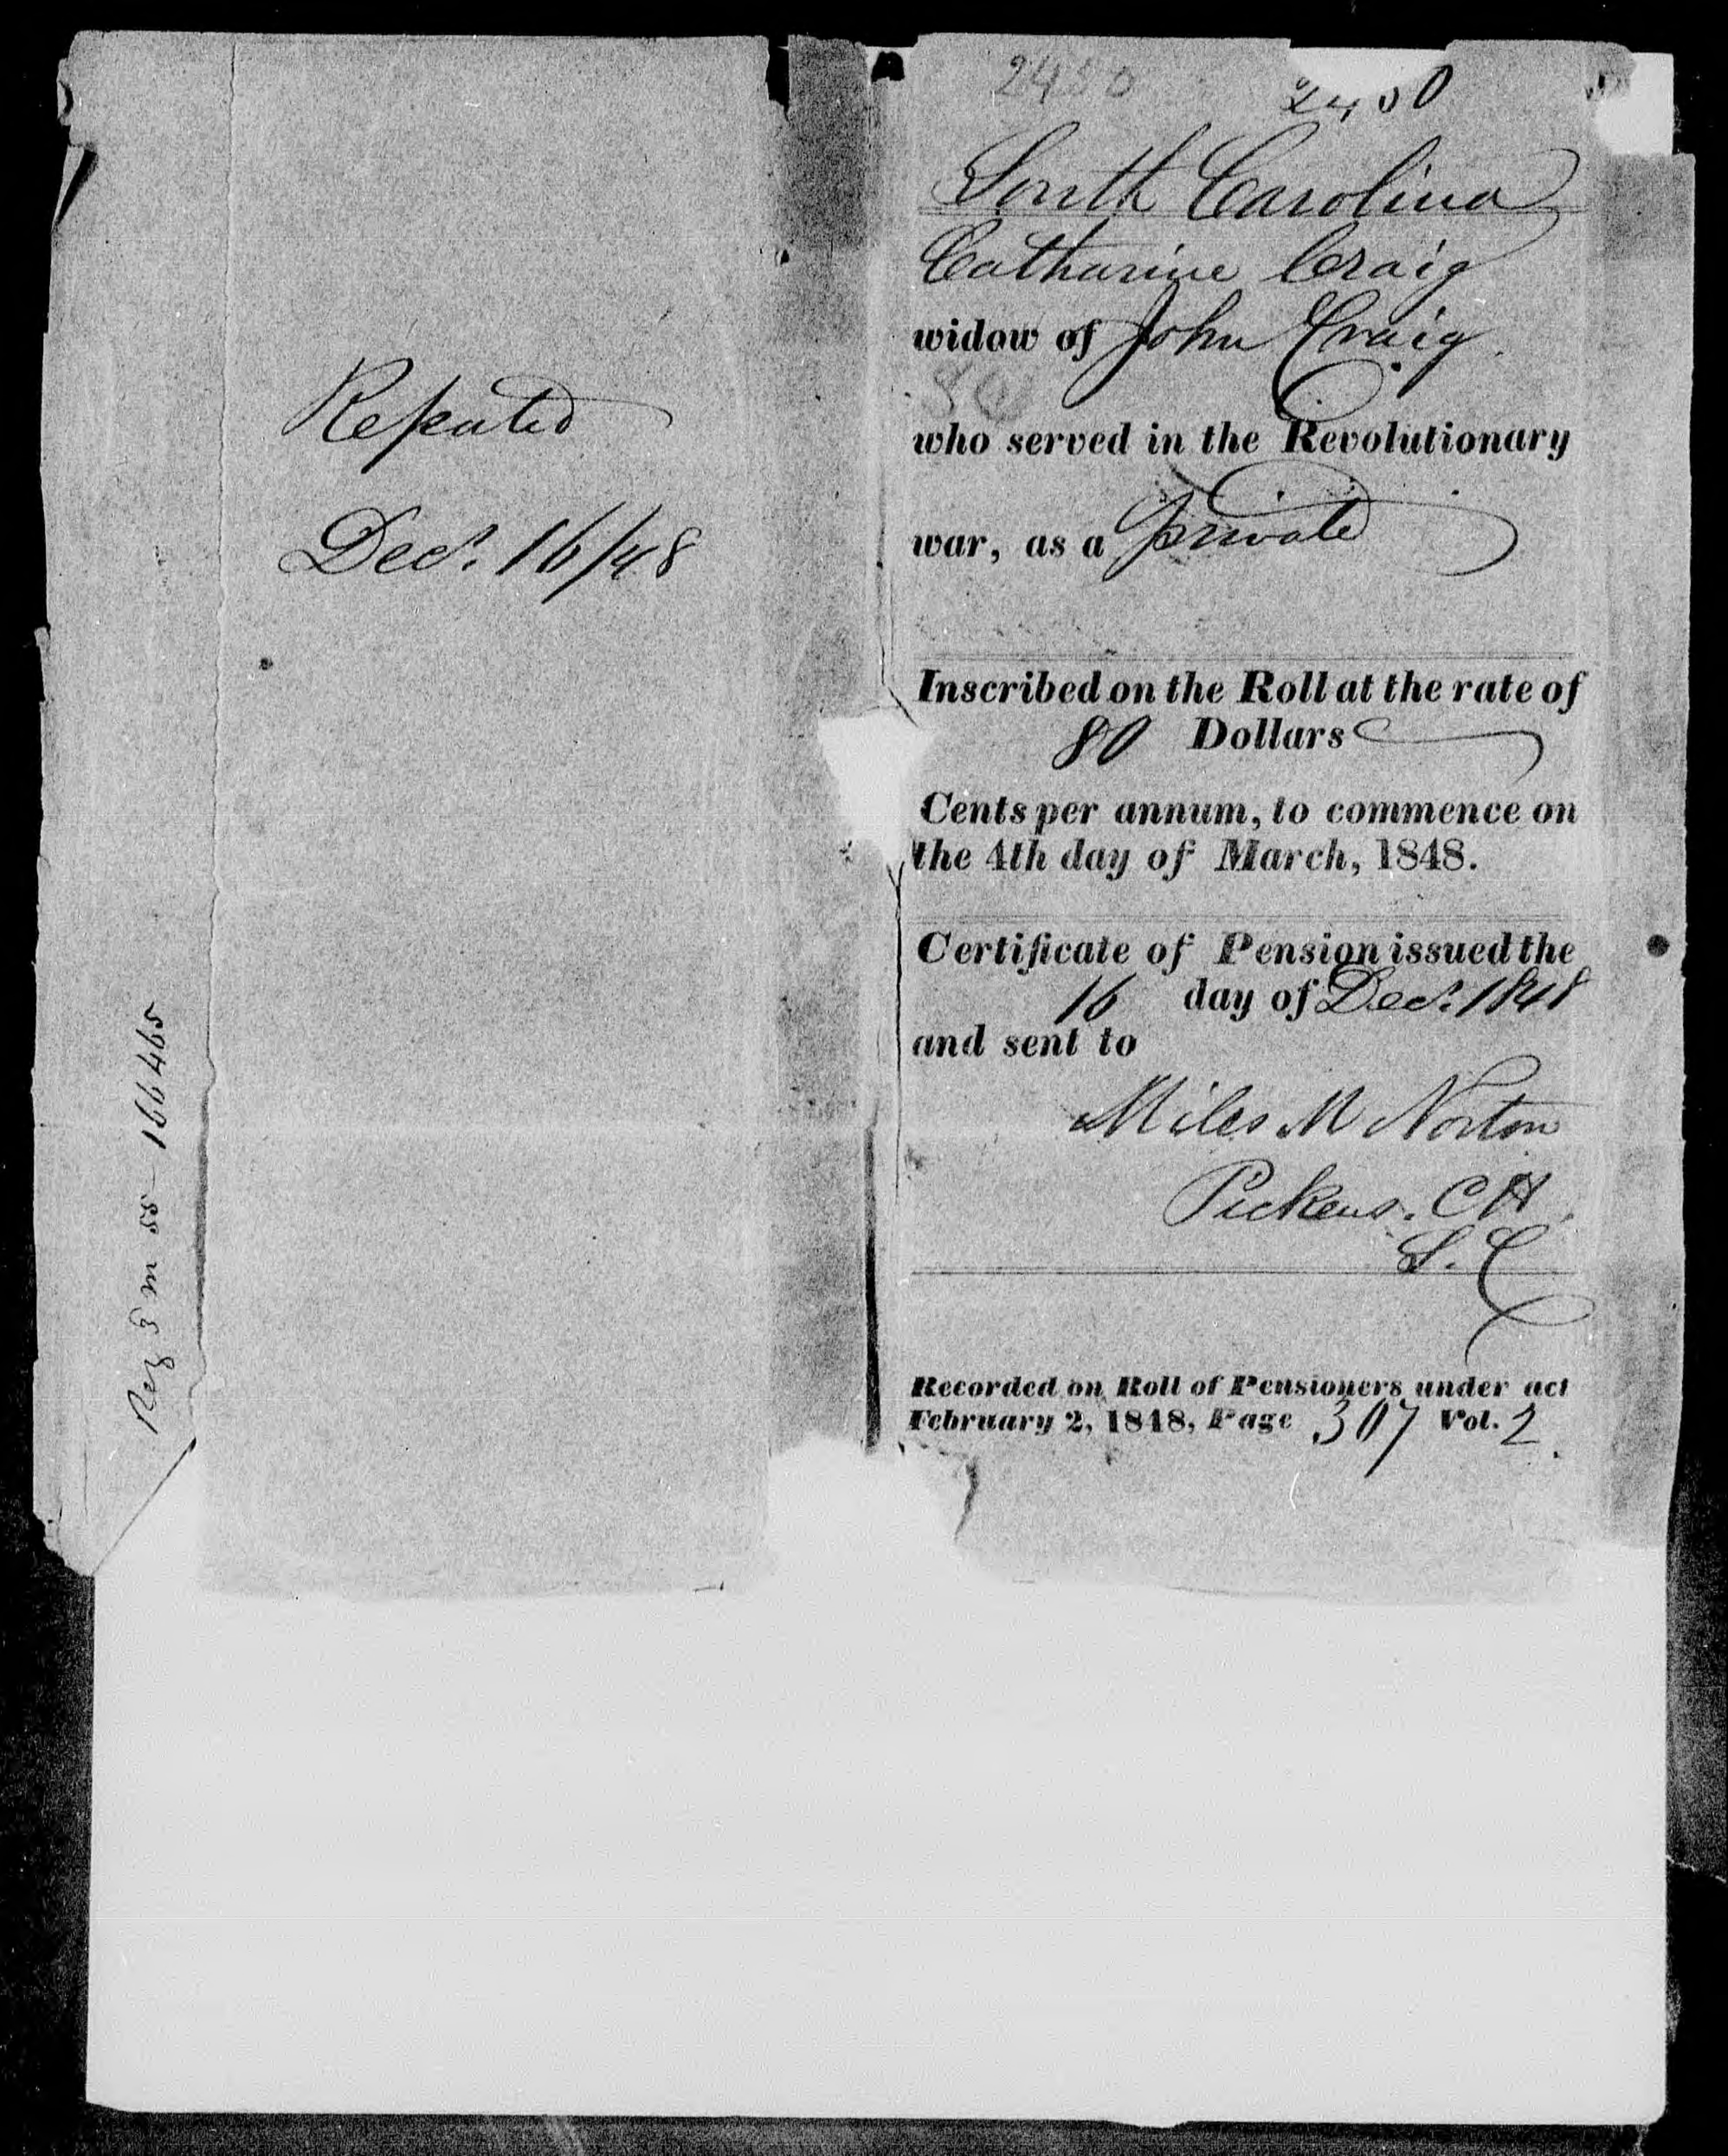(Left side)

Repeated  Dec. 16/48

(right side)

2450
South Carolina
Catharine Craig
widow of John Craig
who served in the Revolutionary
war, as a private

Inscribed on the Roll at the rate of 80 Dollars
-- Cents per annum, to commence on the 4th day of March, 1848.

Certificate of Pension issued the16 day of Dec. 1848 and sent to Miles M. Norton
Pickens, C.H.
S.C.

Recorded on Roll of Pensioners under act February 2, 1848, Page 307  Vol. 2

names: John Craig, Catharine Craig, Miles M Norton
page: 7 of 55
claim: widow's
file: W. 22864, John Craig, S.C. Born In Iceland